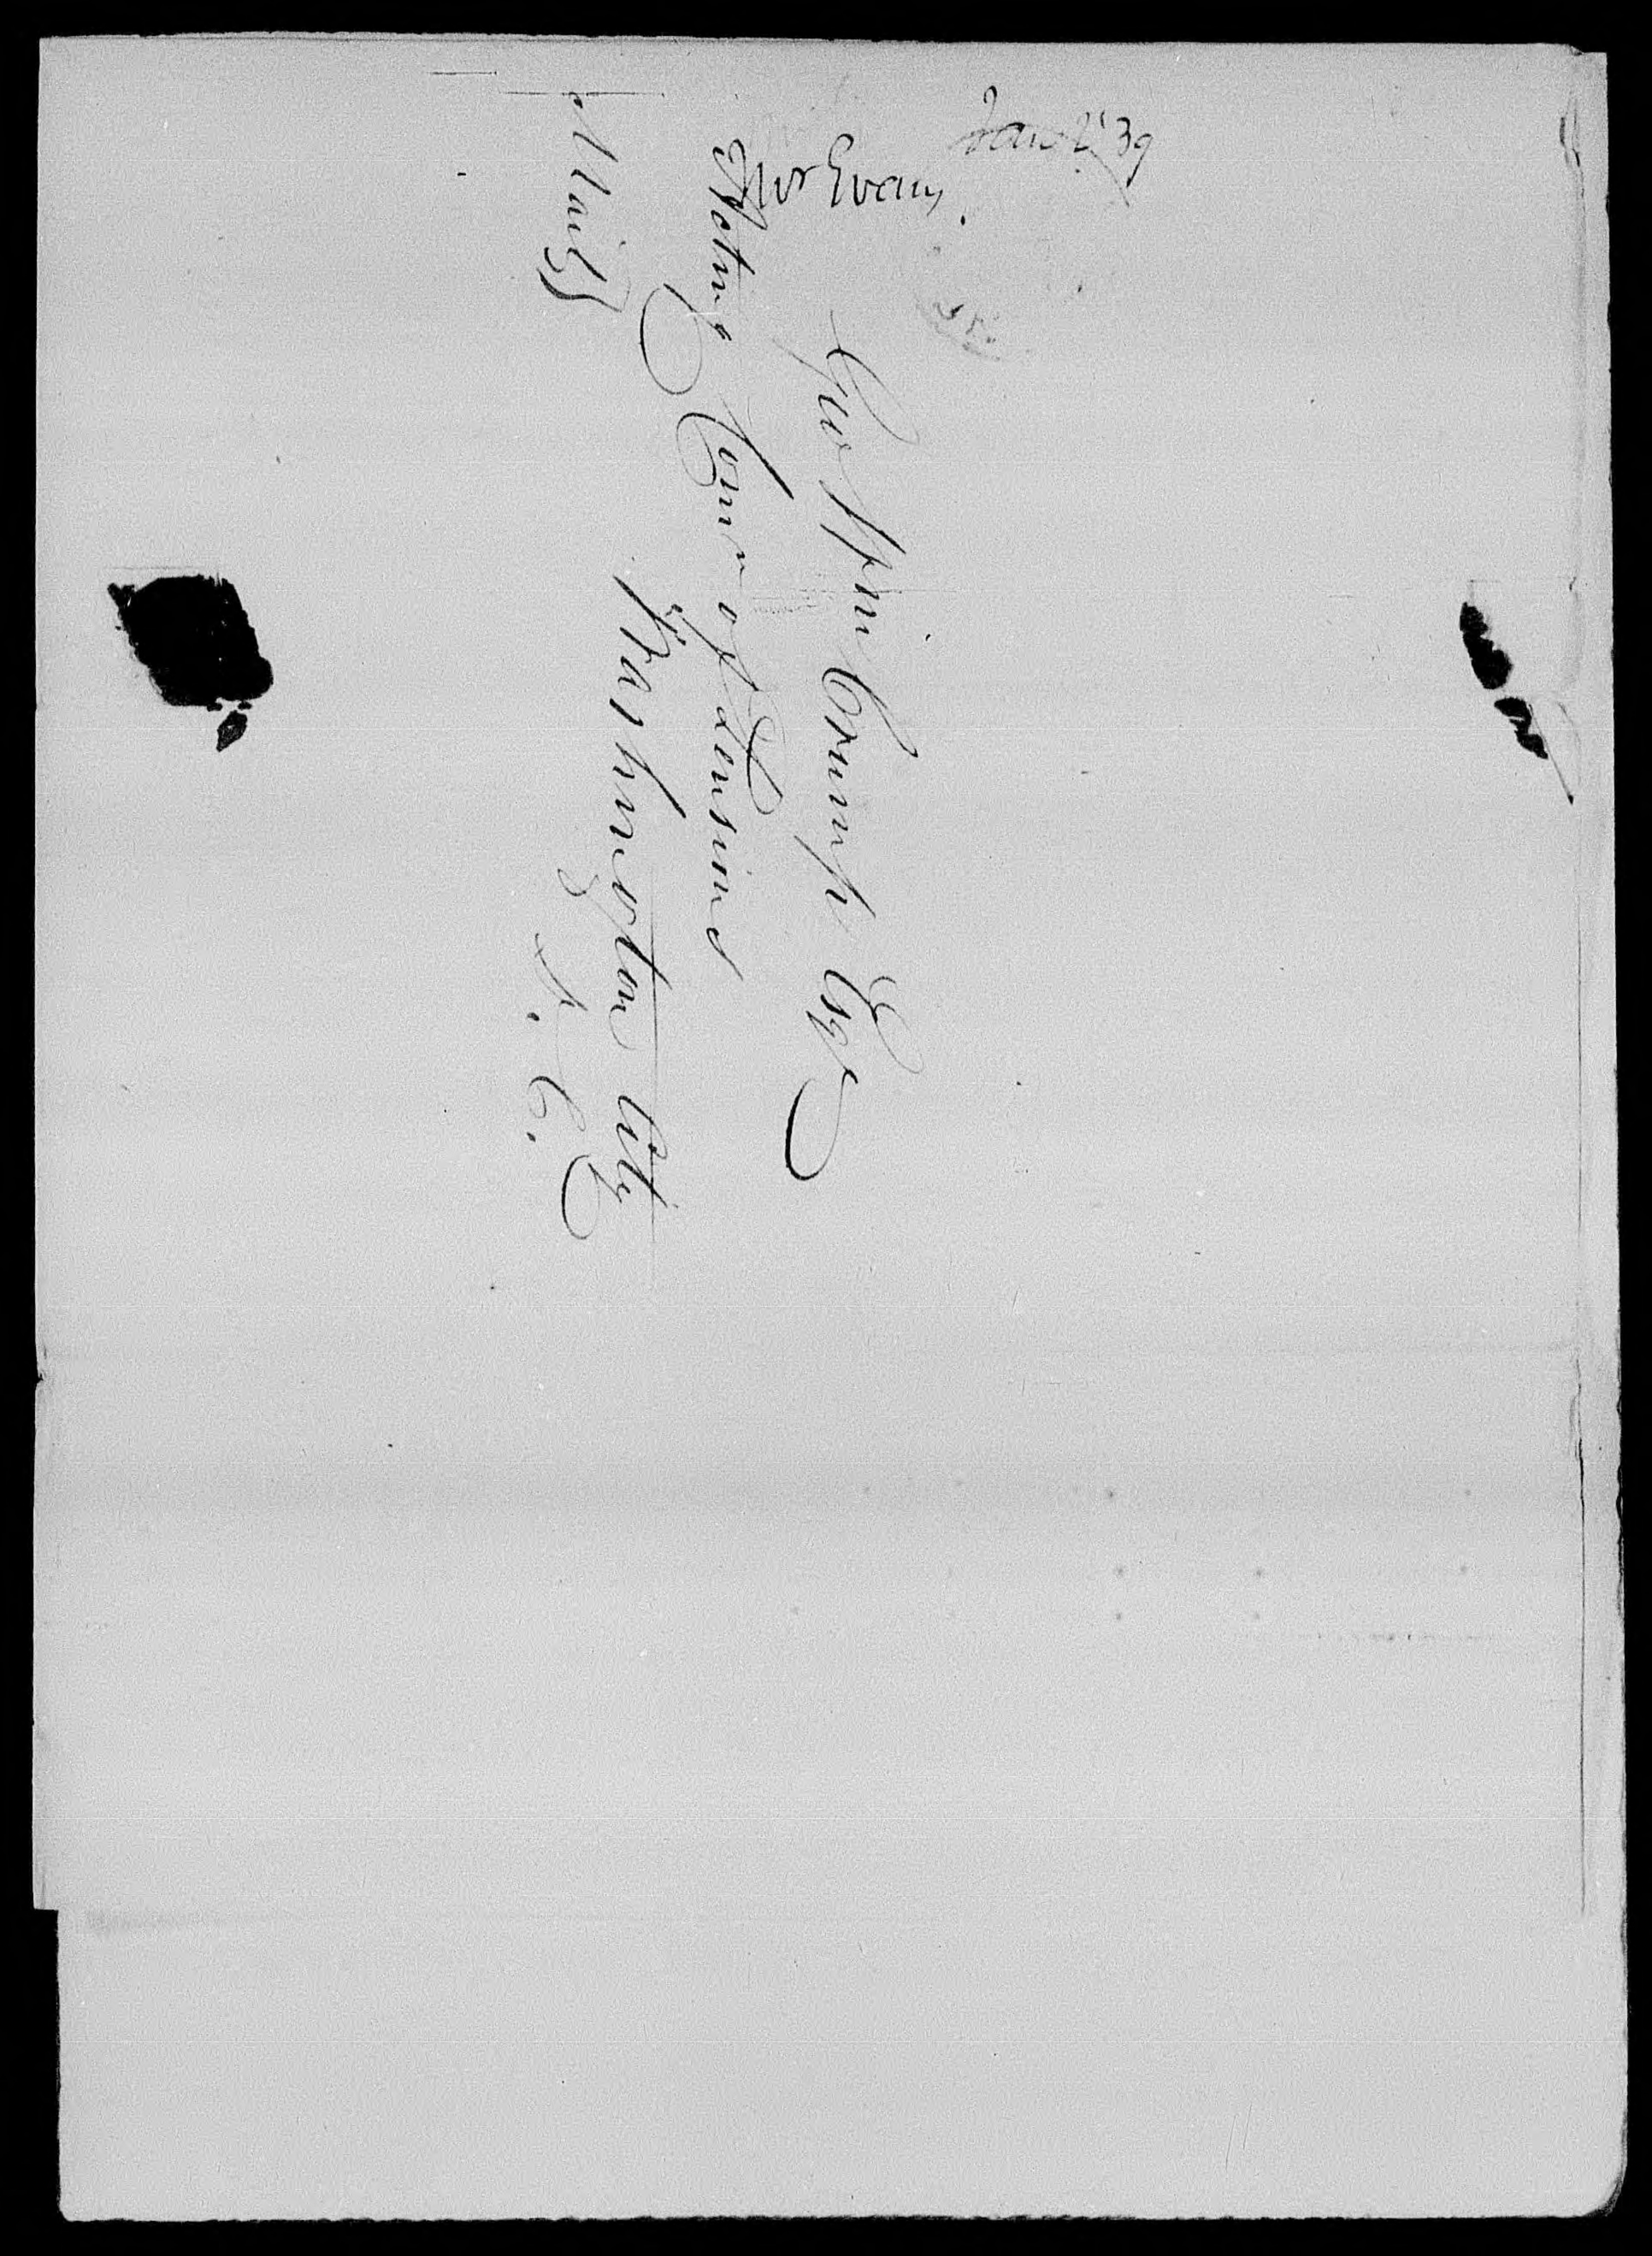[envelope]
Jan 2 '39
Mr. Evans

[sideways]
Hon George Crump Esq
Acting Comm'r of Pensions
Washington D.C.

(mail)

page: 44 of 54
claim: survivor's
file: S. 31166, for Thomas Jackson, South Carolina